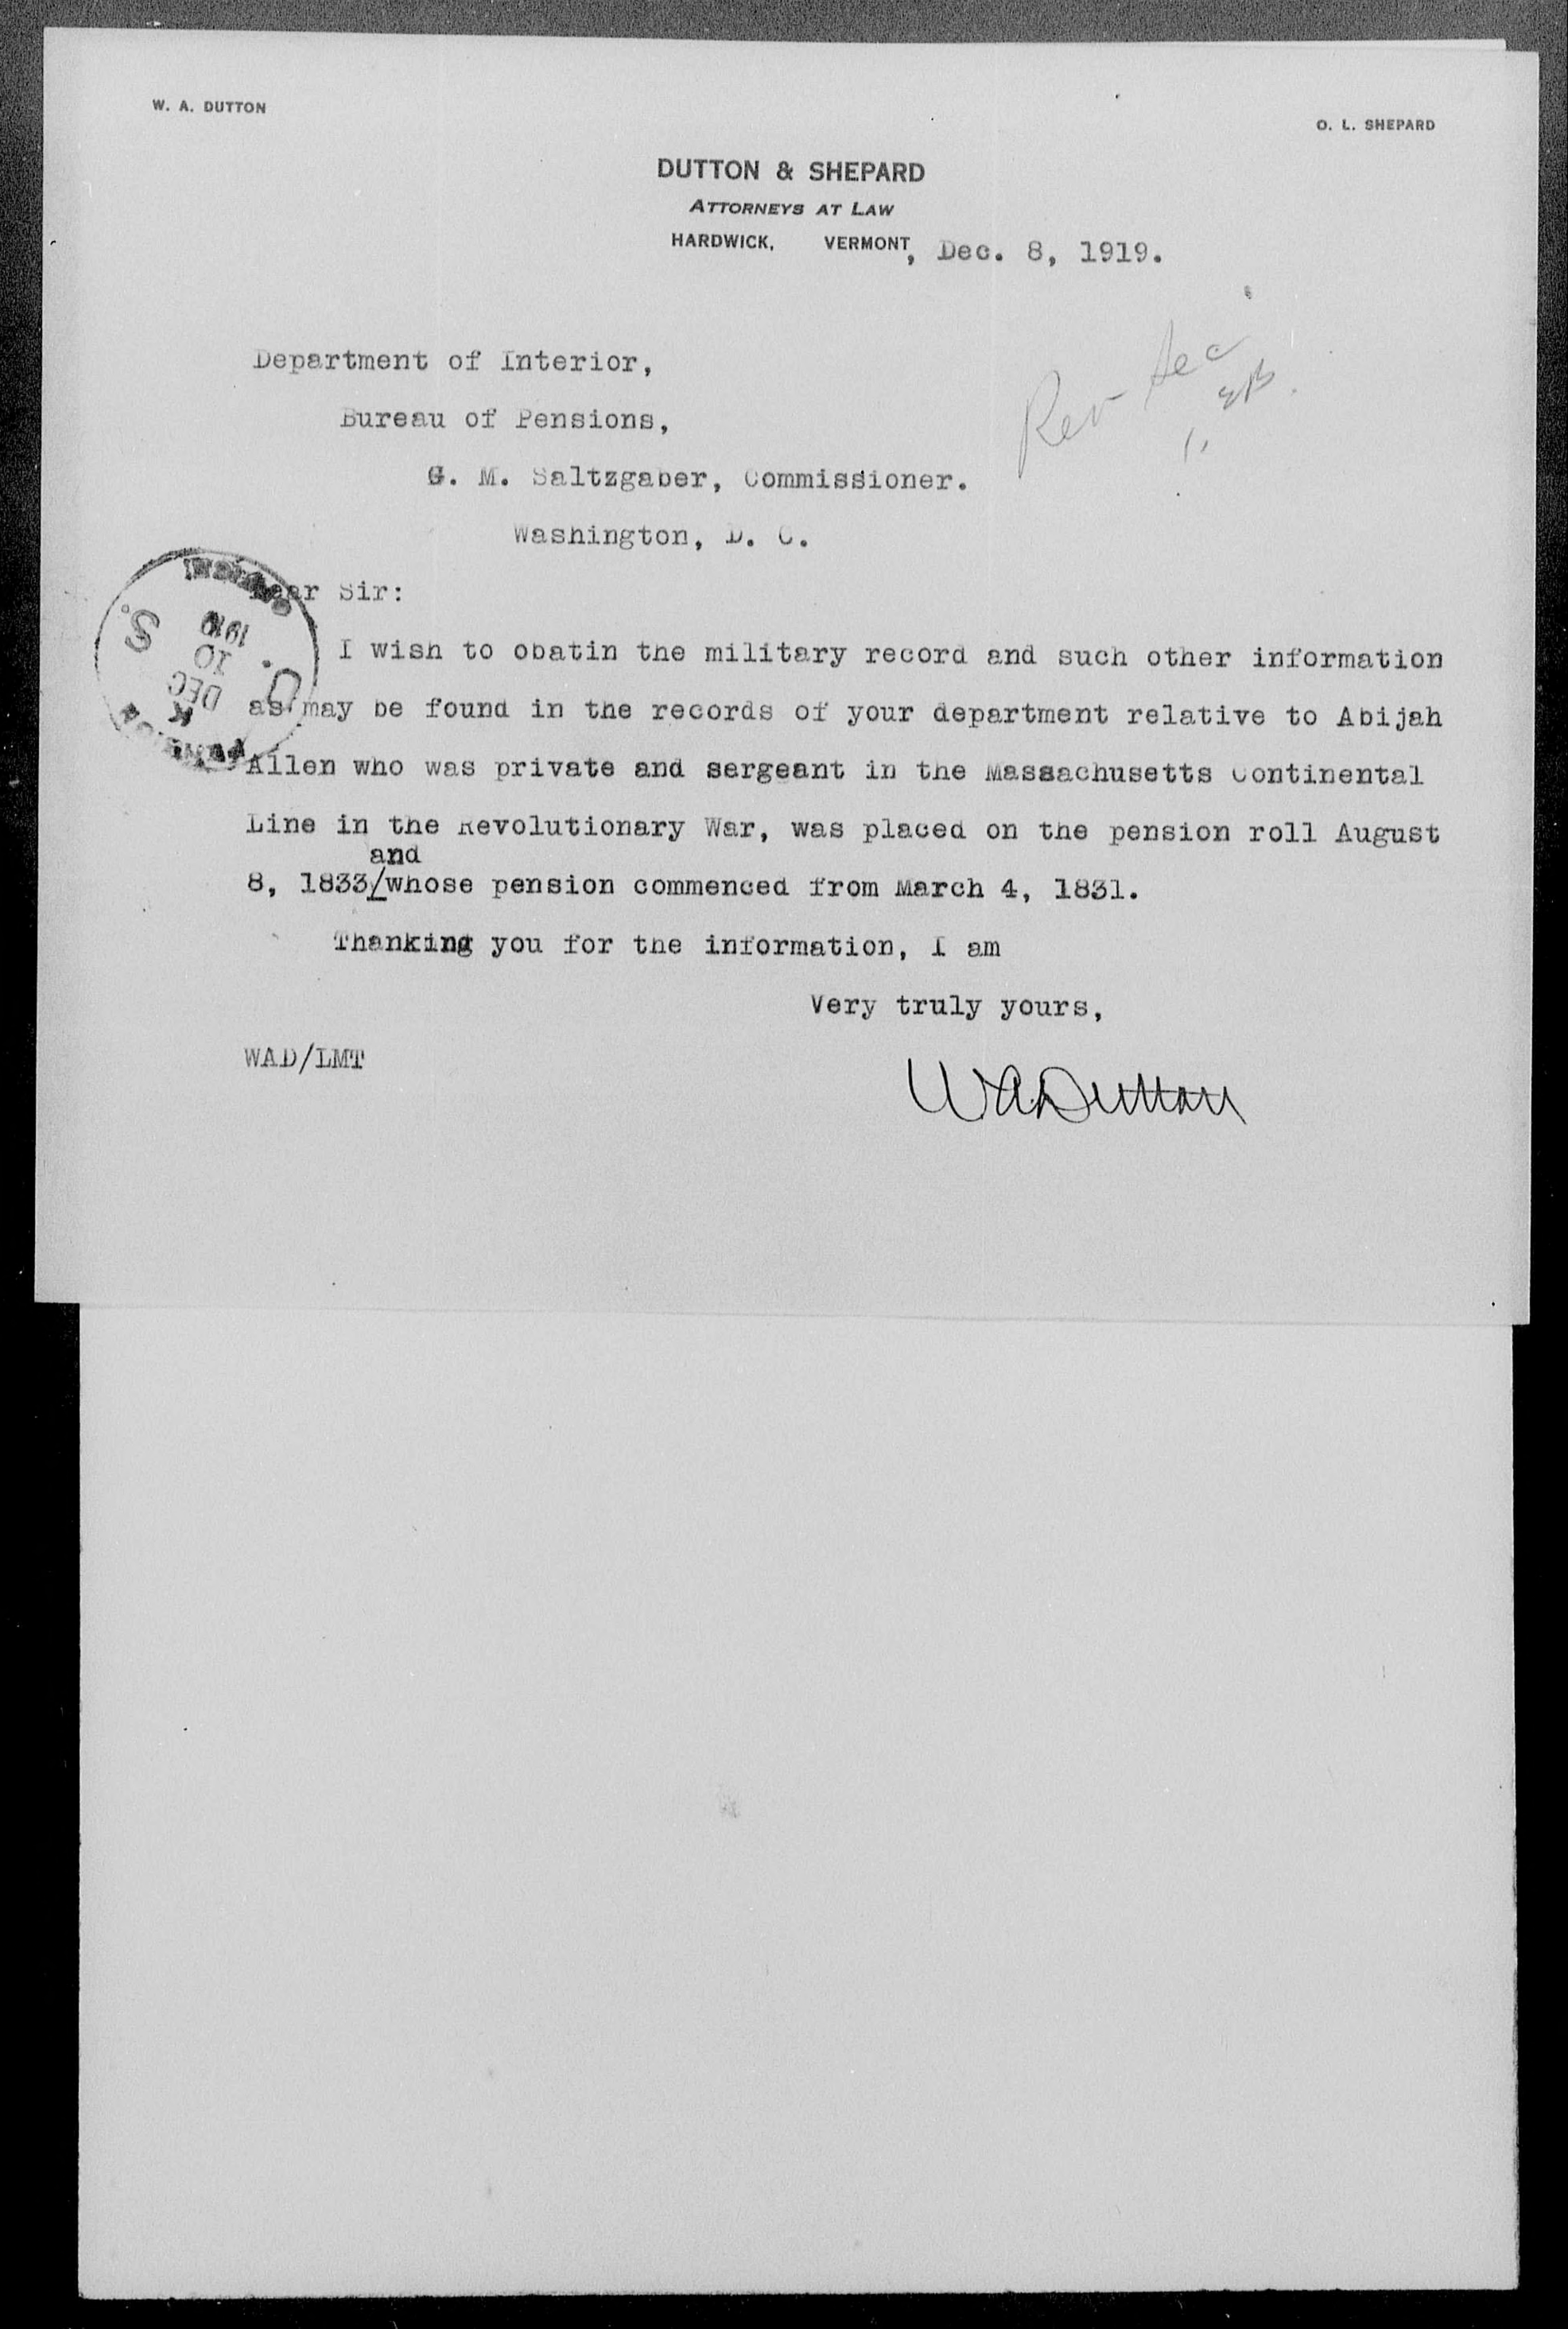W. A. DUTTON
O. L. SHEPARD
DUTTON & SHEPARD
ATTORNEYS AT LAW
HARDWICK, VERMONT, Dec. 8, 1919.

Department of Interior, 
Bureau of Pensions, 
G. M. Saltzgaber, Commissioner. 
Washington, D.C. 
Dear Sir:
I wish to obtain the military record and such information as may be found in the records of your department relative to Abijah Allen who was private and sergeant in the Massachusetts Continental Line in the Revolutionary War, was placed on the pension roll August 8, 1833 and whose pension commenced from March 4, 1831. 
Thanking you for the information, I am
Very truly yours,
W. A. Dutton 
WAD/LMT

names: G M Saltzgaber, W A Dutton, Abijah Allen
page: 21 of 21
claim: survivor's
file: S. 15356, Abijah Allen, Mass.